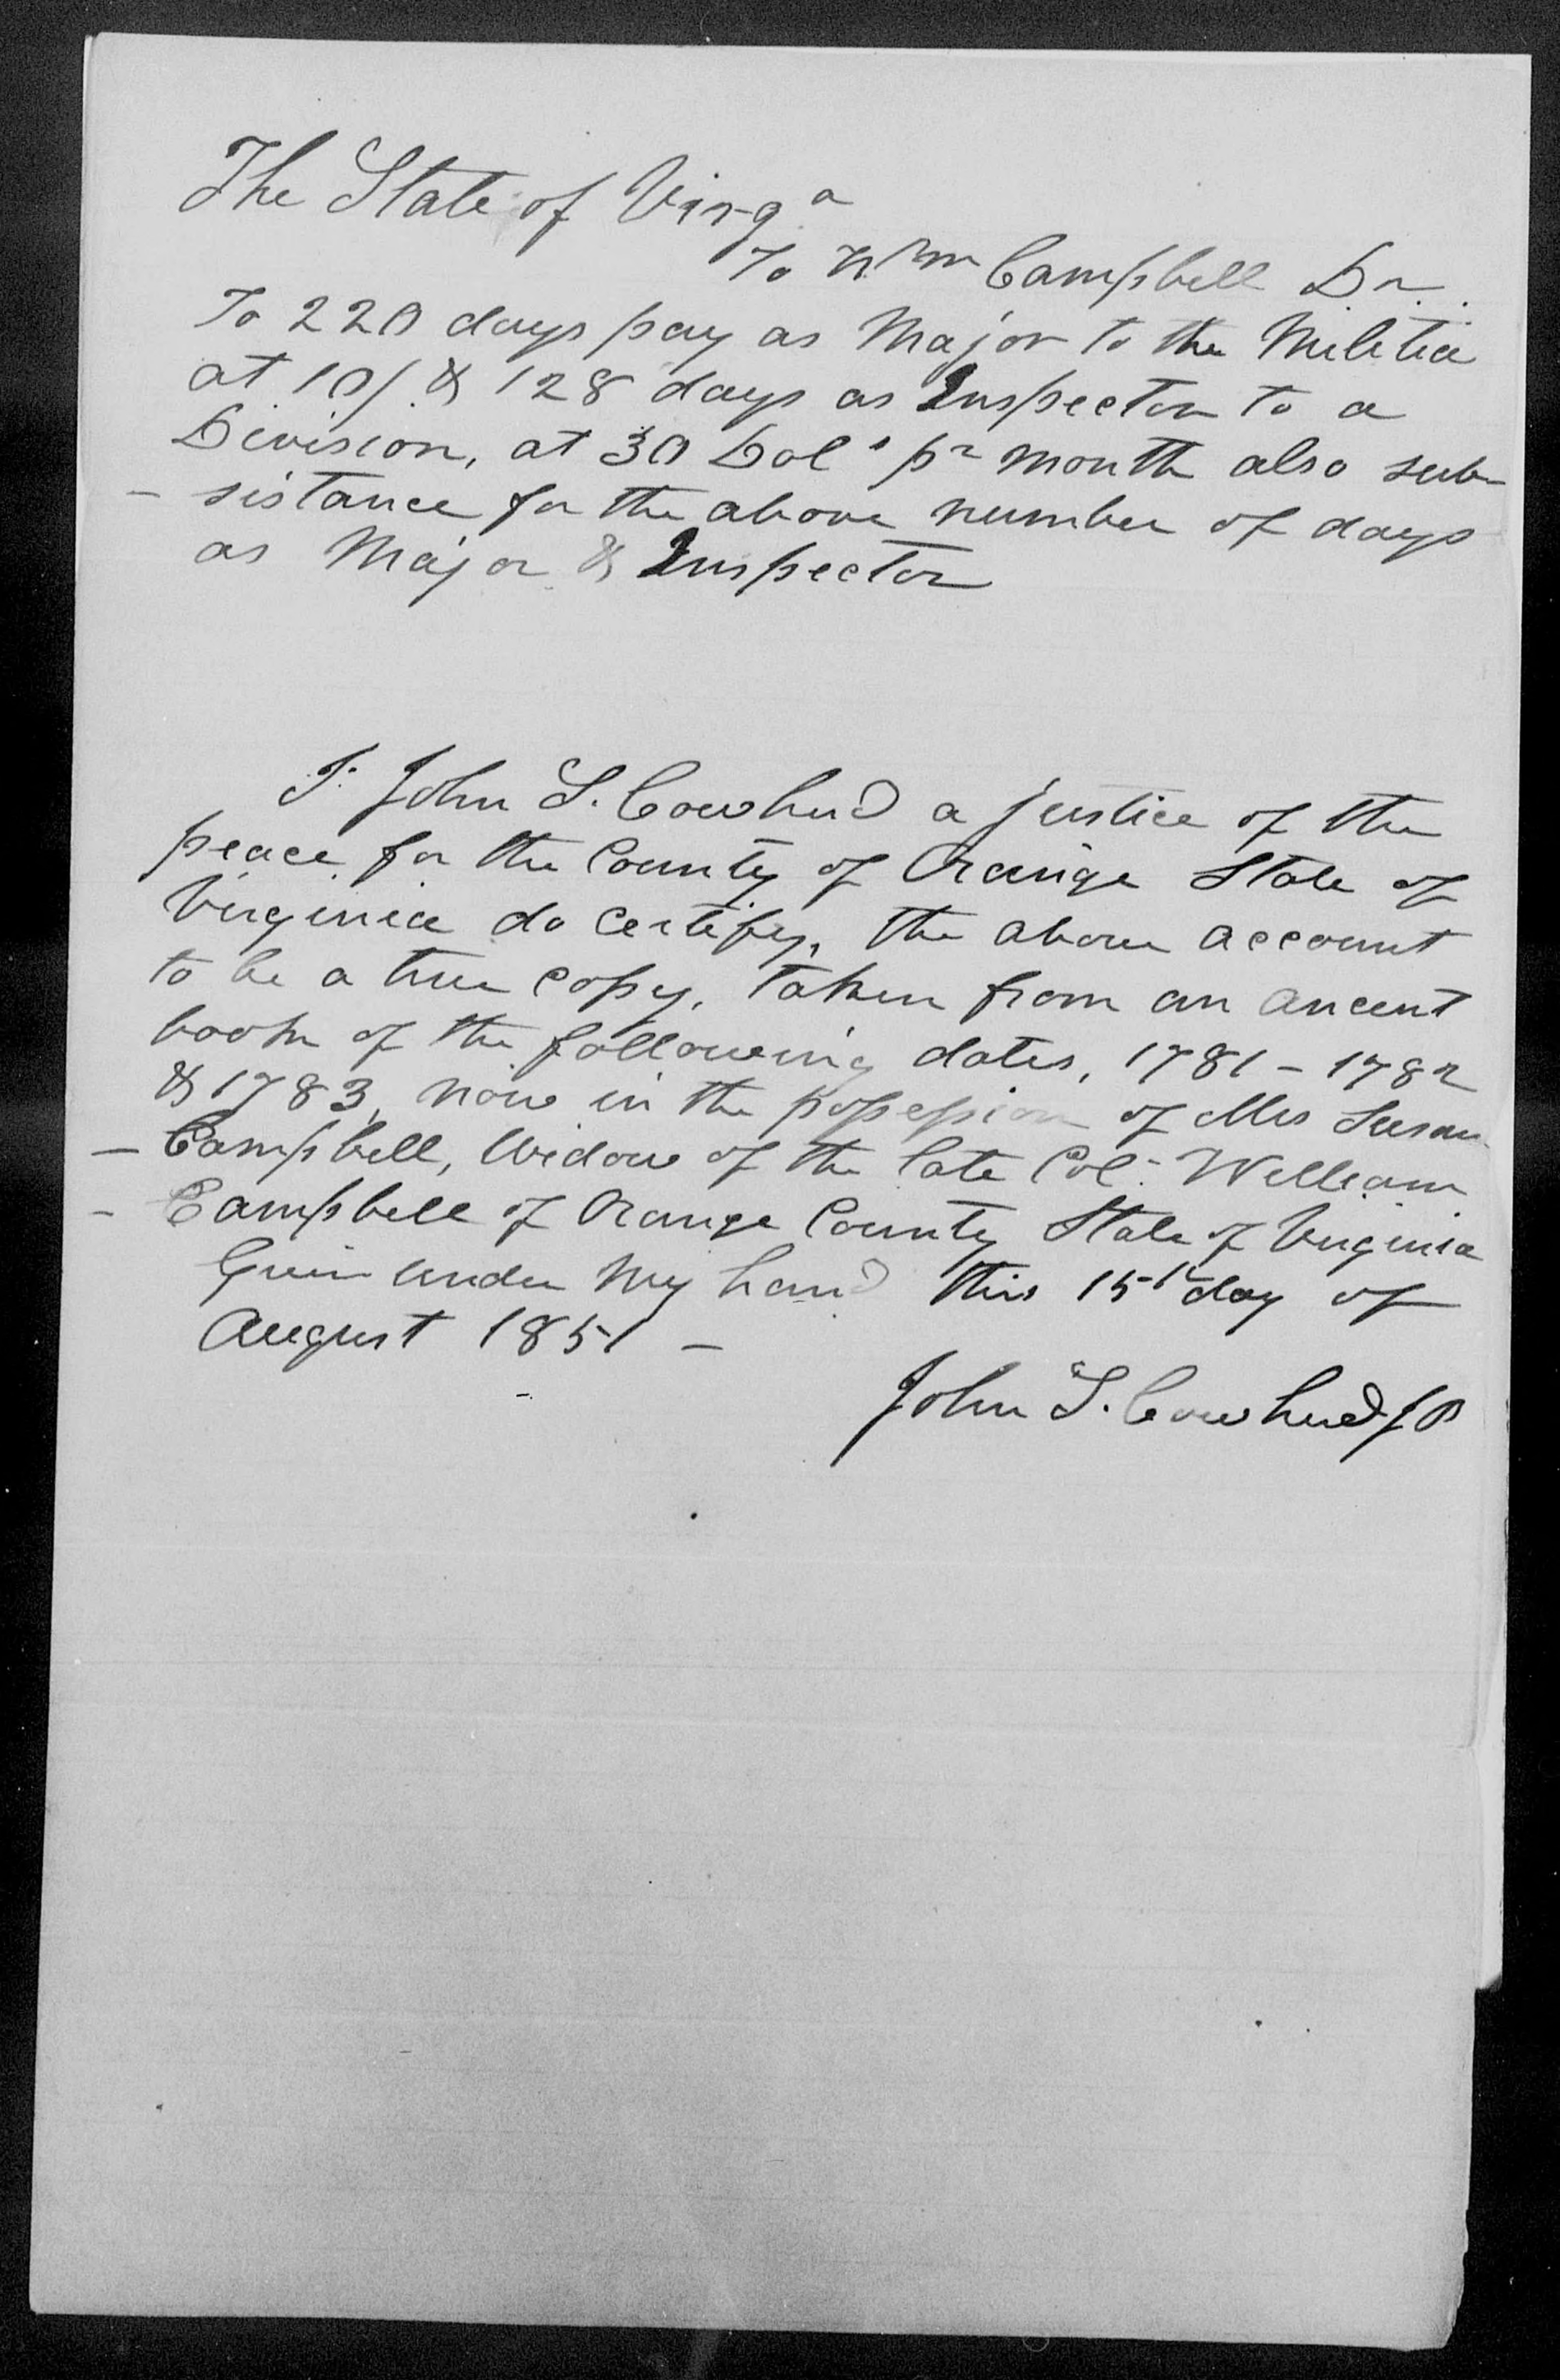The State of Virg'a
To Wm. Campbell dr. to 220 days pay as Major to the Militia at 10/ & 128 days as Inspector to a Division, at 30 Dol pr month also subsistance for the above number of days as Major & Inspector



I, John L. Cowherd a Justice of the Peace for the County of Orange State of Virginia do certify, the above account to be a true copy, taken from an account book of the following dates, 1781  1782 & 1783, now in the possession of Mrs Susan Campbell of Orange County State of Virginia given under my hand this 15th day of August 1851
John L. Cowherd JP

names: John S Cowherd, William Campbell, Susan Campbell, John S Cowherd, Wm Campbell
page: 214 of 267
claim: widow's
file: W. 4,149, William Campbell, Va.